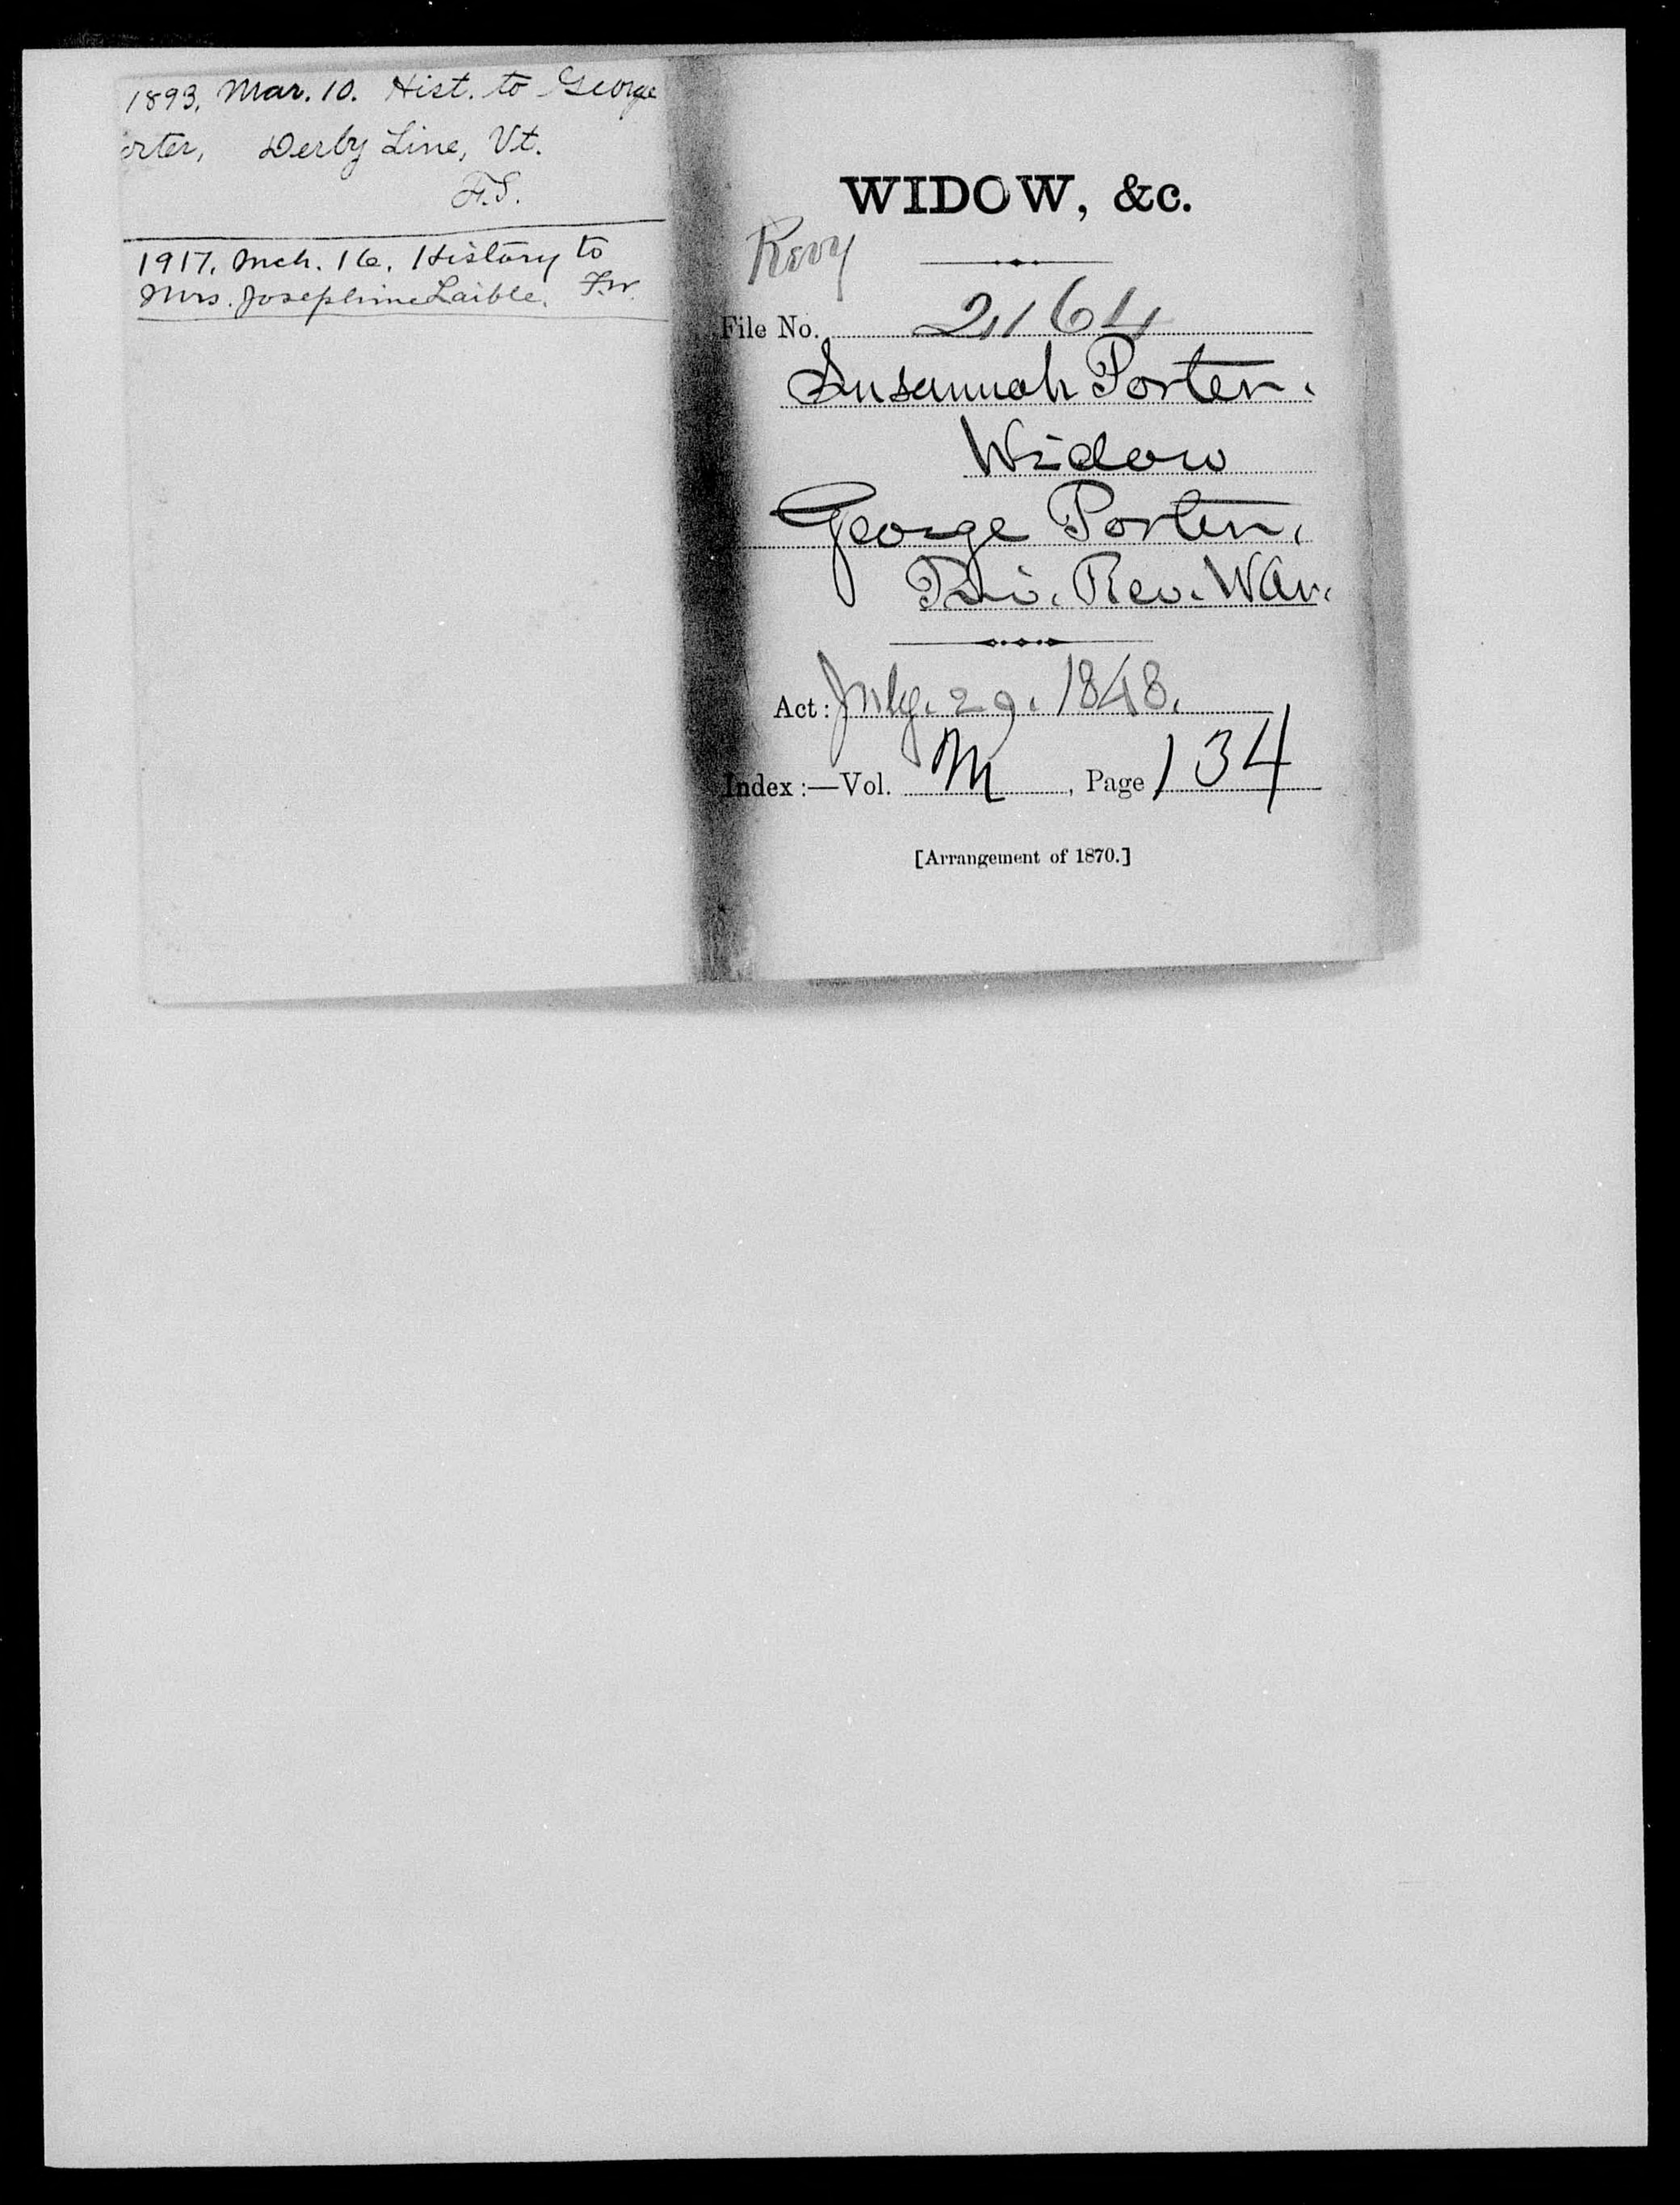WIDOW, &c.
Revy
File No. 21164
Susannah Porter, Widow
George Porter, Priv. Rev. War.
Act: July, 29, 1848.
Index:-Vol. M, Page 134
[Arrangement of 1870.]

1893, Mar. 10. Hist to George Porter, Derby Line, Vt. F.S.
1917, Mch. 16. History to Mres. Josephine Laible. F. W.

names: Susannah Porter; George Porter; Josephine Laible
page: 37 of 49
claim: widow's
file: W. 2164, for George Porter, Massachusetts